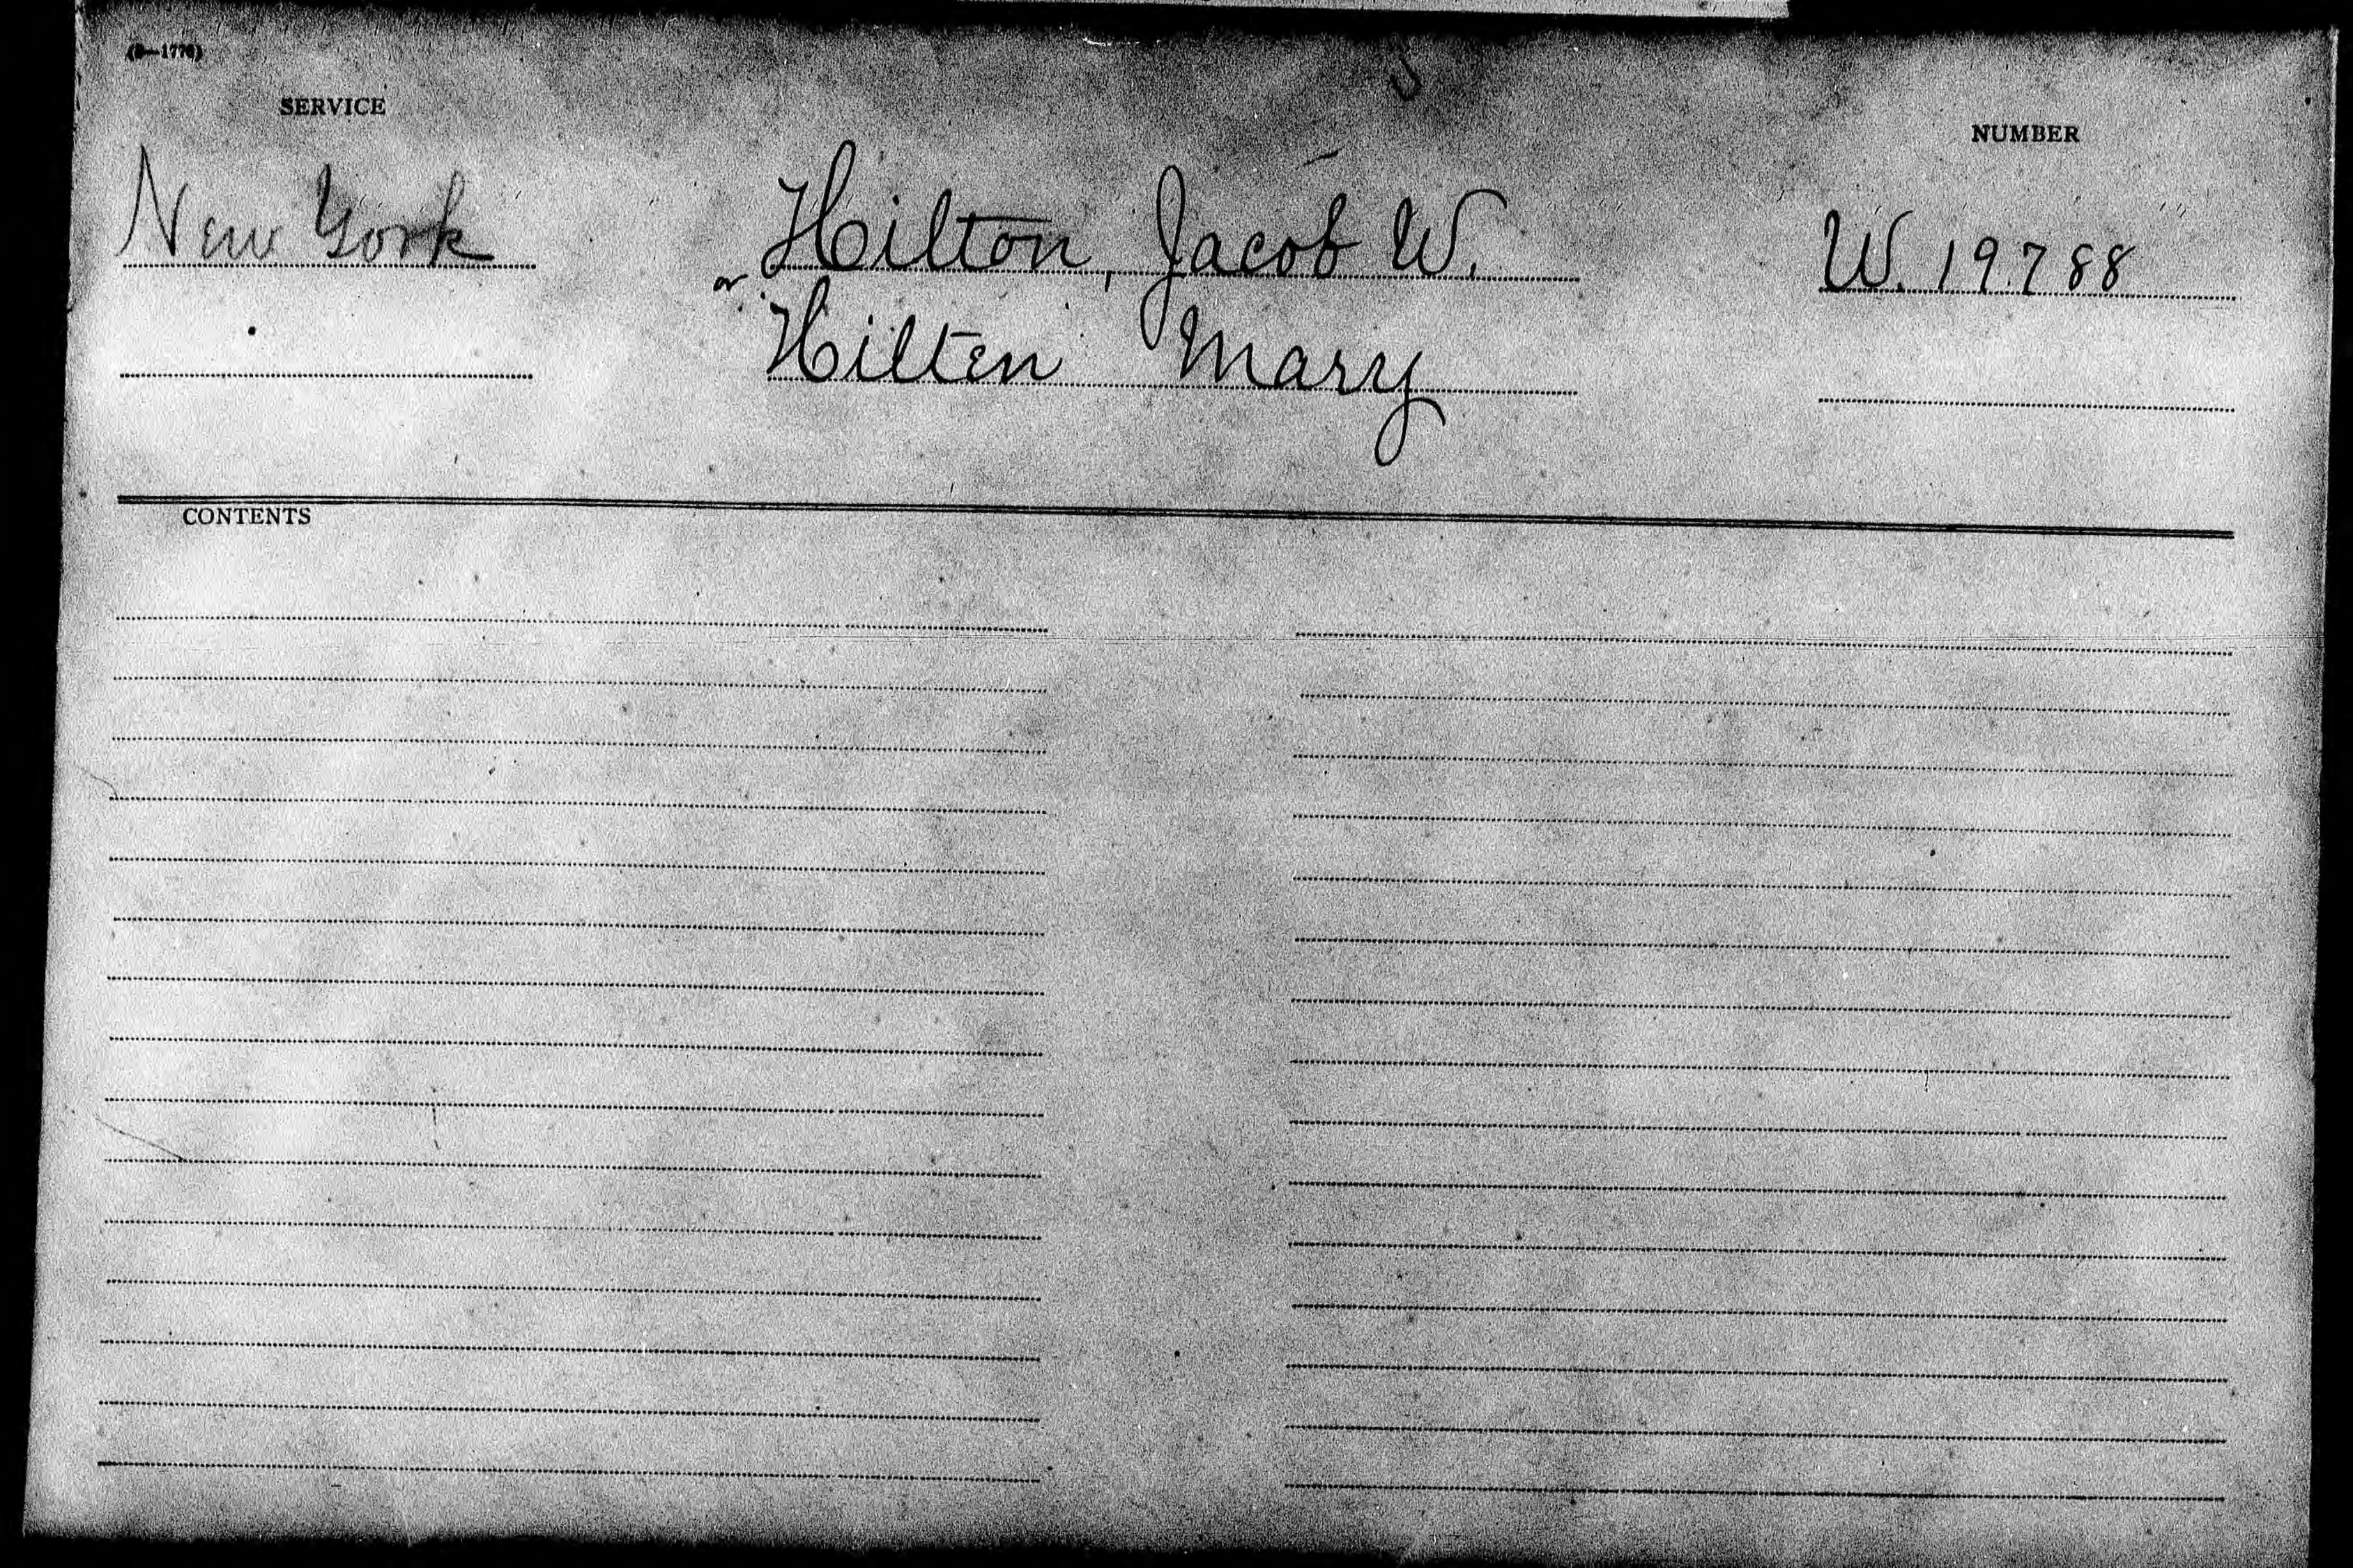(8-1776)

SERVICE
New York

Hilton, Jacob W.
Hilton, Mary

NUMBER
W. 19788

CONTENTS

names: Jacob W Hilten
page: 1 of 48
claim: widow's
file: W. 19788, Jacob W Hilton, New York